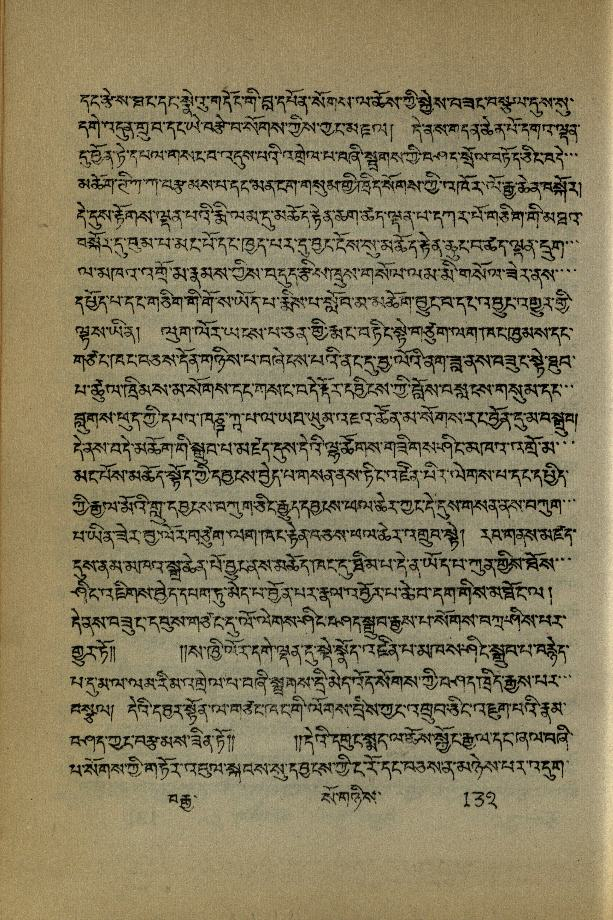དང་རྩེས་ཐང་དང་སྣེའུ་གདོང་གི་བླ་དཔོན་སོགས་ལ་ཆོས་ཀྱི་སྐྱེས་བཟང་བསྩལ་དུས་སུ་
དགེ་འདུན་གྲུབ་དང་ཡེ་བརྩེ་བ་སོགས་ཀྱིས་ཀྱང་མཇལ། དེ་ནས་གདན་ཆེན་པོ་དགའ་ལྡན་
དུ་བྱོན་ཏེ་དཔལ་གསང་བ་འདུས་པའི་འགྲེལ་པ་བཞི་སྦྲགས་ཀྱི་བཤད་སྲོལ་བཏོད་ཅིང་བདེ་
མཆོག་ཊིཀ་ཀ་བརྩམས་པ་དང་མན་ངག་གསུམ་གྱི་ཁྲིད་སོགས་ཀྱི་འཁོར་ལོ་རྒྱ་ཆེན་བསྐོར།
དེ་དུས་རྟོགས་ལྡན་པའི་རྨི་ལམ་དུ་མཆོད་རྟེན་ཆག་ཚད་ལྡན་པ་དཀར་པོ་གཅིག་གི་མཐའ་
བསྐོར་དུ་བུམ་པ་མང་པོ་དང་ཁྱད་པར་དུ་བྱང་ངོས་སུ་མཆོད་རྟེན་ཆུང་བ་ཚད་ལྡན་དྲུག་
ལ་མཁའ་འགྲོ་མ་རྣམས་ཀྱིས་བདུད་རྩིས་ཁྲུས་གསོལ་ལམ་མི་གསོལ་ཟེར་ནས་
དཔྱོད་པ་དང་གཅིག་གི་གོ་ས་ཡོད་པ་རྨིས་པ་སློབ་མ་མཆོག་བྱུང་བ་དང་འབྱུང་འགྱུར་གྱི་
ལྟས་ཡིན། ལུག་ལོར་ཡངས་པ་ཅན་གྱི་རྨང་བཏིང་སྟེ་གཙུག་ལག་ཁང་ཁྱམས་དང་
གཙང་ཁང་བཅས་དོན་གཉིས་པ་བཞེངས་པའི་ནང་དུ་བྱ་ལོའི་ནག་ཟླ་ནས་བཟུང་སྟེ་ཐུབ་
པ་ཚུལ་ཁྲིམས་མ་སོགས་དང་གསང་བདེ་རྡོར་དབྱིངས་ཀྱི་བློས་བསླངས་གསུམ་དང་
བླུགས་ཕུད་ཀྱི་དཔའ་ཁཎྜ་ཀཱ་པ་ལ་ཡབ་ཡུམ་འཇའ་ཚོན་མ་སོགས་རང་བྱོན་དུ་མ་བསྒྲུབ།
དེ་ནས་བདེ་མཆོག་གི་སྒྲུབ་པ་མཛད་དུས་དེའི་ལྷ་ཚོགས་གཟིགས་ཤིང་མཁའ་འགྲོ་མ་
མང་པོས་མཆོད་སྟོད་ཀྱི་དབྱངས་བྱེད་པ་གསན་ནས་ཏིང་འཛིན་པའི་ལེགས་པ་དང་དཔྱིད་
ཀྱི་རྒྱལ་མོའི་གླུ་དབྱངས་བཀུག་ཅིང་རྒྱུད་དབྱངས་ཕལ་ཆེར་ཀྱང་དེ་དུས་གསན་ནས་བཀུག་
པ་ཡིན་ཟེར་བྱ་ལོར་གཙུག་ལག་ཁང་རྟེན་བཅས་ཕལ་ཆེར་འགྲུབ་སྟེ། རབ་གནས་མཛད་
དུས་ནམ་མཁའ་སྒྲ་ཆེན་པོ་བྱུང་ནས་མཆོད་ཁང་དུ་ཐིམ་པ་དེ་ན་ཡོད་པ་ཀུན་གྱིས་ཐོས་
ཤིང་འཇིགས་བྱེད་དཔག་ཏུ་མེད་པ་བྱོན་པར་རྣལ་འབྱོར་པ་ཆེ་བ་དག་གིས་མཐོང་ལ།
དེ་ནས་བཟུང་དབུས་གཙང་དུ་ལོ་ལེགས་ཤིང་བཤད་སྒྲུབ་རྒྱས་པ་སོགས་བཀྲ་ཤིས་པར་
གྱུར་ཏོ།། །།ས་ཁྱི་ལོར་དགེ་ལྡན་དུ་སྡེ་སྣོད་འཛིན་པ་མཁས་ཤིང་སྒྲུབ་པ་བརྙེད་
པ་དུ་མ་ལ་ལམ་རིམ་འགྲེལ་པ་བཞི་སྤྲགས་དྲི་མེད་འོད་སོགས་ཀྱི་བཤད་ཁྲིད་རྒྱས་པར་
བསྩལ། དེའི་དབྱར་སྟོན་ལ་གཙང་ཁང་གི་ལོགས་བྲིས་ཀྱང་འགྲུབ་ཅིང་འཇུག་པའི་རྣམ་
བཤད་ཀྱང་བརྩམས་ཟིན་ཏོ།། །།དེའི་དགུང་སྨད་ལ་ཆོས་སྐྱོང་རྒྱལ་དང་ཞལ་བཞི་
པ་སོགས་ཀྱི་གཏོར་འབུལ་སྐབས་སུ་དབྱངས་ཀྱི་ང་རོ་དང་བཅས་ན་མཉེས་པར་འདུག་